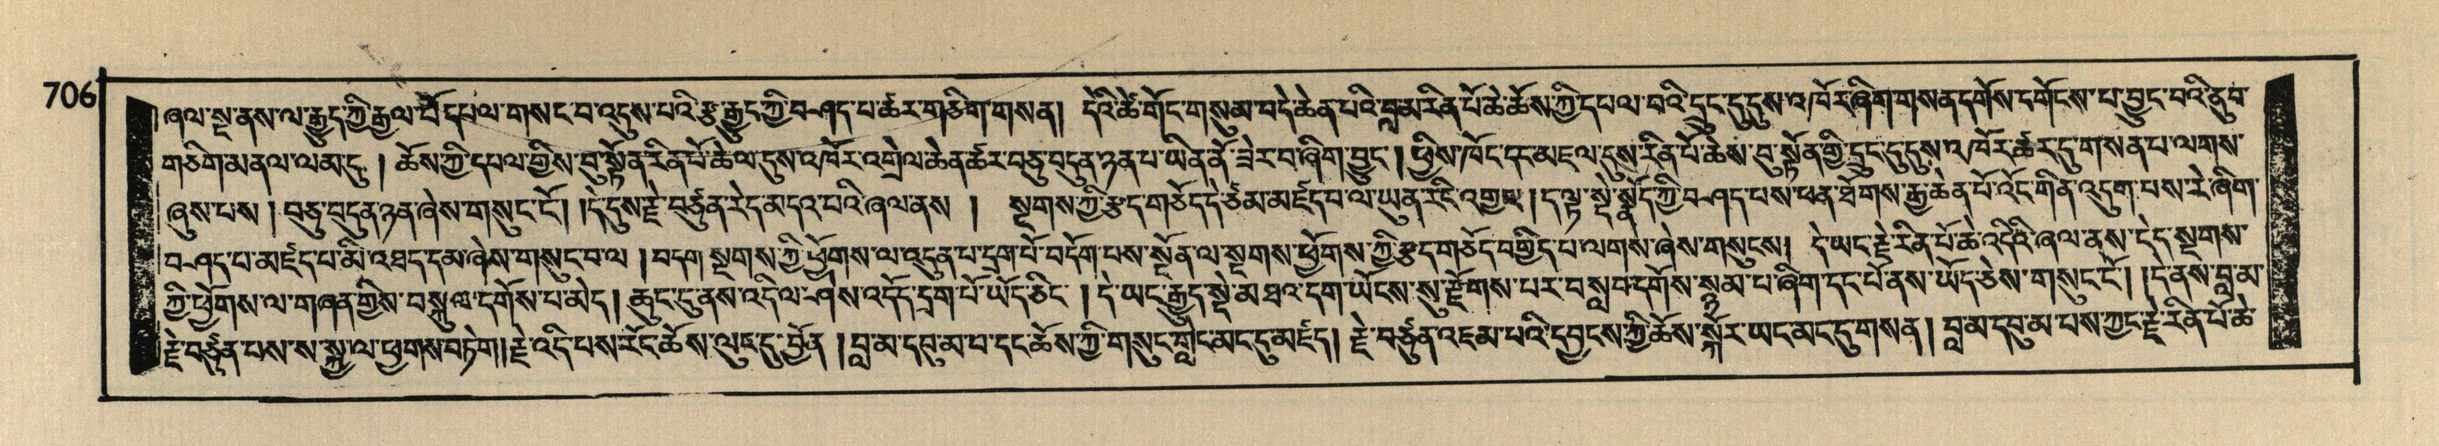ཞལ་སྔ་ནས་ལ་རྒྱུད་ཀྱི་རྒྱལ་པོ་དཔལ་གསང་བ་འདུས་པའི་རྩ་རྒྱུད་ཀྱི་བཤད་པ་ཚར་གཅིག་གསན། དེའི་ཚེ་གོང་གསུམ་བདེ་ཆེན་པའི་བླ་མ་རིན་པོ་ཆེ་ཆོས་ཀྱི་དཔལ་བའི་དྲུང་དུ་དུས་འཁྲོ་ཞིག་གསན་དགོས་དགོངས་པ་བྱུང་བའི་ནུབ་
གཅིག་མནལ་ལམ་དུ། ཆོས་ཀྱི་དཔལ་གྱིས་བུ་སྟོན་རིན་པོ་ཆེ་ལ་དུས་འཁོར་འགྲེལ་ཆེན་ཚར་བཅུ་བདུན་ཉན་པ་ཡིན་ནོ་ཟེར་བ་ཞིག་བྱུང་། ཕྱིས་ཁོང་དང་མཇལ་དུས་རིན་པོ་ཆེས་བུ་སྟོན་གྱི་དྲུང་དུ་དུས་འཁོར་ཚར་དུ་གསན་པ་ལགས་
ཞུས་པས། བཅུ་བདུན་ཉན་ཞེས་གསུང་ངོ། །དེ་དུས་རྗེ་བཙུན་རེད་མདའ་པའི་ཞལ་ནས། སྔགས་ཀྱི་རྩད་གཅོད་དེ་ཙམ་མཛད་པ་ལ་ཡུན་རིང་འགྱལ། ད་ལྟ་སྡེ་སྣོད་ཀྱི་བཤད་པས་ཕན་ཐོགས་རྒྱ་ཆེན་པོ་འོང་གིན་འདུག་པས་རེ་ཞིག་
བཤད་པ་མཛད་པ་མི་འཐད་དམ་ཞེས་གསུང་བ་ལ་།བདག་སྔགས་ཀྱི་ཕྱོགས་ལ་འདུན་པ་དྲག་པོ་བདོག་པས་སྔོན་ལ་སྔགས་ཕྱོགས་ཀྱི་རྩད་གཅོད་བགྱིད་པ་ལགས་ཞེས་གསུངས། དེ་ཡང་རྗེ་རིན་པོ་ཆེ་འདིའི་ཞལ་ནས་ངེད་སྔགས་
ཀྱི་ཕྱོགས་ལ་གཞན་གྱིས་བསྐུལ་དགོས་པ་མེད། ཆུང་དུ་ནས་འདི་ལ་ཤེས་འདོད་དྲག་པོ་ཡོད་ཅིང་།དེ་ཡང་རྒྱུད་སྡེ་མཐའ་དག་ཡོངས་སུ་རྫོགས་པར་བསླབ་དགོས་སྙམ་པ་ཞིག་དང་པོ་ནས་ཡོད་ཅེས་གསུང་ངོ། །དེ་ནས་བླ་མ་
རྗེ་བཙུན་པས་ས་སྐྱ་ལ་ཕྱགས་བཏེག། རྗེ་འདི་པས་རོང་ཆོས་ལུང་དུ་བྱོན། །བླ་མ་དབུ་མ་བ་དང་ཆོས་ཀྱི་གསུང་གླེང་མང་དུ་མཛད། རྗེ་བཙུན་འཇམ་པའི་དབྱངས་ཀྱི་ཆོས་སྐོར་ཡང་མང་དུ་གསན། བླ་མ་དབུ་མ་པས་ཀྱང་རྗེ་རིན་པོ་ཆེ་